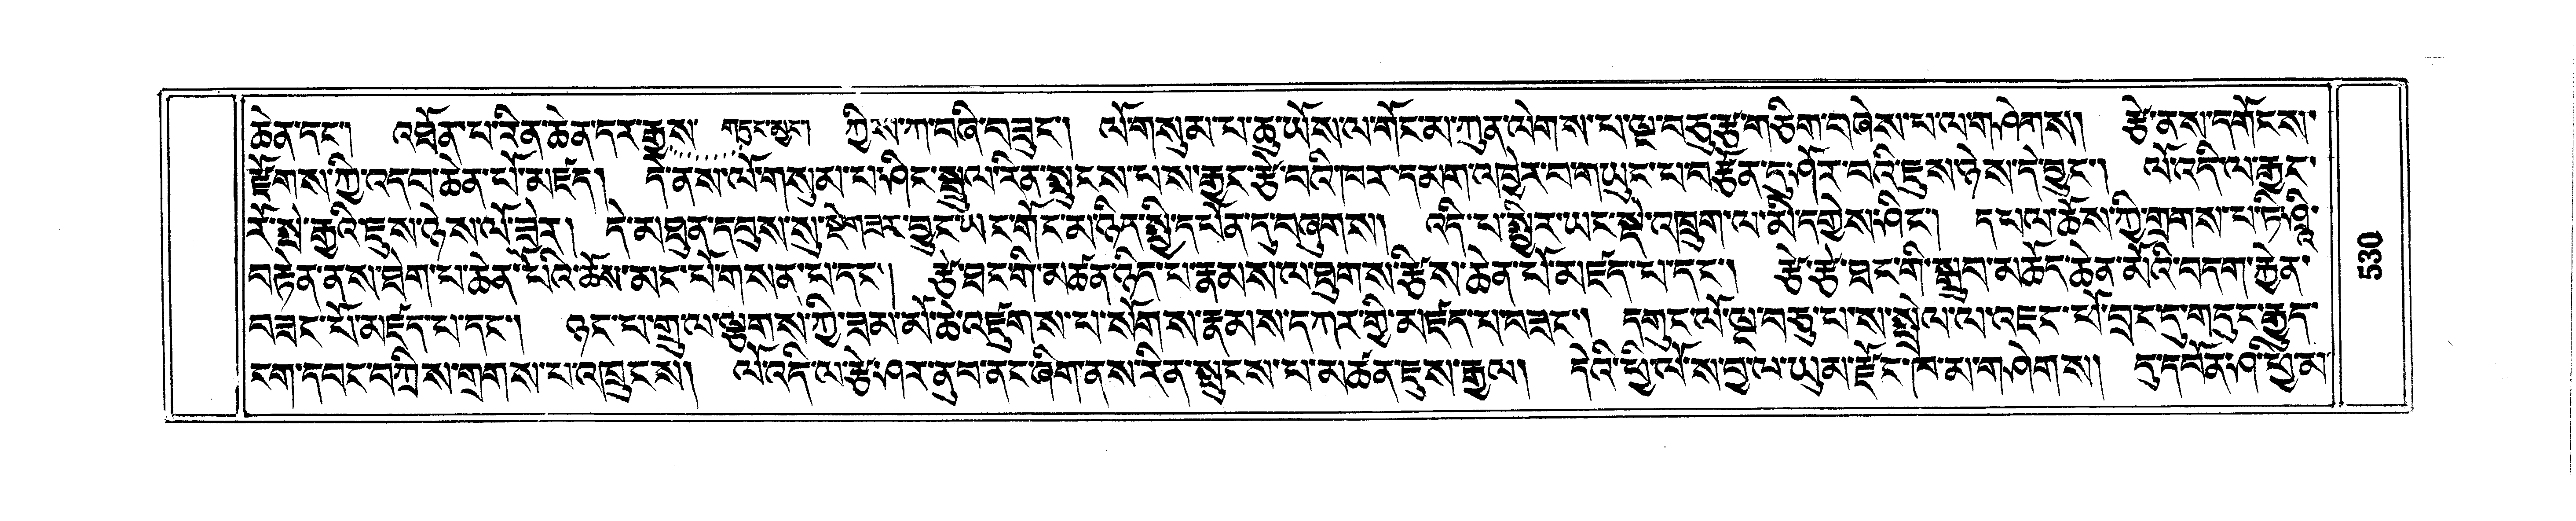ཆེན་དང་། འཐོན་པ་རིན་ཆེན་དར་རྒྱས་གདུང་མྱང་།  ཀྱིས་ཀ་བཞི་བཟུང་། ལོ་གསུམ་པ་ཆུ་ཡོས་ལ་གོང་མ་ཀུན་ལེགས་པ་ལྔ་བཅུ་རྩ་གཅིག་བཞེས་པ་ལ་གཤེགས། རྩེ་ནས་དགོངས་
རྫོགས་ཀྱི་འདབ་ཆེན་པོ་མཛད། དེ་ནས་ལོ་གསུམ་པ་ཤིང་སྦྲུལ་རིན་སྤུངས་པས་རྒྱང་རྩེ་བའི་ཁར་དམག་འཁྱེར་བ་གཡུང་པ་བརྩོན་དུ་ཤོར་བའི་ཇུས་ཉེས་དེ་བྱུང་། ལོ་འདི་ལ་རྒྱང་
རོ་སྤེ་རྒྱའི་ཇུས་ཉེས་ལོ་ཟེར། དེ་མཐུན་དབུས་སུ་སྡེ་གཟར་བྱུང་ཡང་གོང་མ་ཉིད་སྤྱི་དཔོན་དུ་བཞུགས། འདི་པ་སྤྱིར་ཡང་སྡེ་འཁྲུག་ལ་མི་དགྱེས་ཤིང་། དཔལ་ཆོས་ཀྱི་གྲགས་པ་ཏི་ཤཱི་
བརྟེན་ནས་ཐེག་པ་ཆེན་པོའི་ཆོས་མང་པོ་གསན་པ་དང་། རྩེ་ཐང་གི་མཚན་ཉིད་པ་རྣམས་ལ་ཐུགས་རྩིས་ཆེན་པོ་མཛད་པ་དང་། རྩེ་རྩེ་ཐང་གི་སྒྲུབ་མཆོད་ཆེན་མོའི་བདག་རྐྱེན་
བཟང་པོ་མཛད་པ་དང་། ཉང་པ་གྲུ་ལ་ལྕགས་ཀྱི་ཟམ་མོ་ཆེ་འཛུགས་པ་སོགས་རྣམས་དཀར་གྱི་མཛད་པ་བཟང་། དགུང་ལོ་ལྔ་བཅུ་པ་ས་སྤྲེལ་ལ་འཇང་ཕོ་བྲང་དུ་གདུང་རྒྱུད་
ངག་དབང་བཀྲིས་གྲགས་པ་འཁྲུངས། ལོ་འདི་ལ་རྩེ་ཤར་ནུབ་ནང་ཞིག་ནས་རིན་སྦུངས་པ་མཚན་ཇུས་རྒྱལ། དེའི་ཕྱི་ལོ་ས་བྱ་ལ་ཡུམ་རྫོང་ཁ་མ་གཤེགས། དུ་དབོན་ཤ་ཕྱི་མ་